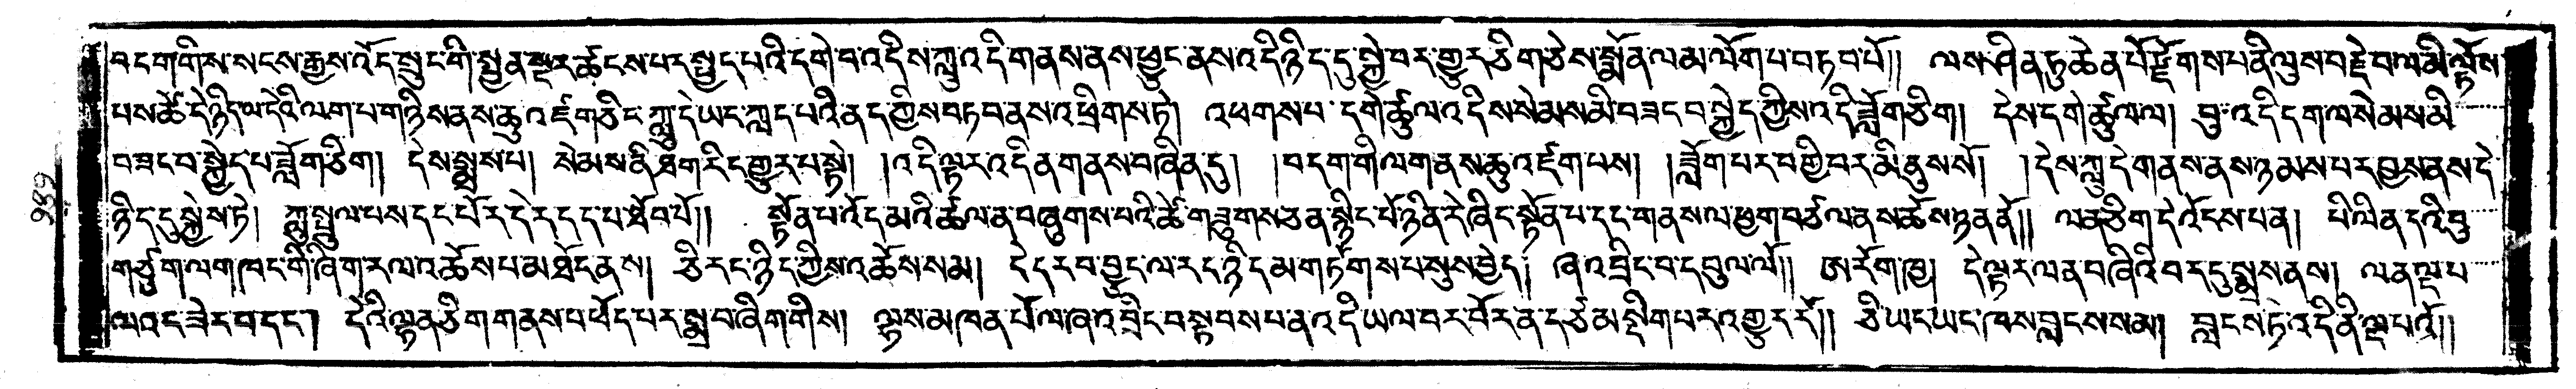བདག་གིས་སངས་རྒྱས་འོད་སྲུང་གི་སྤྱན་སྔར་ཚངས་པར་སྤྱད་པའི་དགེ་བ་འདིས་ཀླུ་འདི་གནས་ནས་ཕྱུང་ནས་འདི་ཉིད་དུ་སྐྱེ་བར་གྱུར་ཅིག་ཅེས་སྨོན་ལམ་ལོག་པ་བཏབ་པོ།། ལས་ཤིན་ཏུ་ཆེན་པོ་རྫོགས་པ་ནི་ལུས་བརྗེ་བ་ལ་མི་ལྟོས་
པས་ཚེ་དེ་ཉིད་ལ་དེའི་ལག་པ་གཉིས་ནས་ཆུ་འཛག་ཅིང་ཀླུ་དེ་ཡང་ཀླད་པའི་ནད་ཀྱིས་བཏབ་ནས་འཕྲིགས་ཏེ། འཕགས་པ་དགེ་ཚུལ་འདིས་སེམས་མི་བཟང་བསྐྱེད་ཀྱིས་འདི་ཟློ་གཅིག། དེས་དགེ་ཚུལ་ལ། བུ་འདི་དག་ལ་སེམས་མི་
བཟང་བ་སྐྱེད་པ་ཟློག་ཅིག། དེས་སྨྲས་པ། སེམས་ནི་ཐག་རིང་གྱུར་པ་སྟེ། །འདི་ལྟར་འདི་ན་གནས་བཞིན་དུ། །བདག་གི་ལག་ནས་ཆུ་འཛག་པས། །ཟློག་པར་བགྱི་བར་མི་ནུས་སོ། །དེས་ཀླུ་དེ་གནས་ནས་ཉམས་པར་བྱས་ནས་དེ་
ཉིད་དུ་སྐྱེས་ཏེ། ཀླུ་སྤྲུལ་པས་དང་པོར་དེར་དད་པ་ཐོབ་པོ།། སྟོན་པ་འོད་མའི་ཚལ་ན་བཞུགས་པའི་ཚེ་གཟུགས་ཅན་སྙིང་པོ་ཉིན་རེ་ཞིང་སྟོན་པ་དང་གནས་ལ་ཕྱག་བཙལ་ནས་ཆོས་ཉན་ནོ།། ལན་ཅིག་དེ་འོངས་པ་ན། པི་ལིན་དའི་བུ་
གཙུག་ལག་ཁང་གི་ཞིག་རལ་འཆོས་པ་མཐོང་ནས། ཅི་རང་ཉིད་ཀྱིས་འཆོས་སམ། ངེད་རབ་བྱུང་ལ་རང་ཉིད་མ་གཏོགས་པ་སུས་བྱེད༑ ཞ་འབྲིང་བ་དབུལ་ལོ།། ཨ་རོག་ཁྱ། དེ་ལྟར་ལན་བཞིའི་བར་དུ་སྨྲས་ནས། ལན་ལྔ་པ་
ལའང་ཟེར་བ་དང་། དེའི་ལྷན་ཅིག་གནས་པ་ཕོད་པར་སྨྲ་བ་ཞིག་གིས། ལྟས་མཁན་པོ་ལ་ཞ་འབྲིང་བསྟབས་པ་ན་འདི་ཡལ་བར་བོར་ན་ད་ཙམ་སྡིག་པར་འགྱུར་རོ།། ཅི་ཡང་ཡང་ཁས་བླངས་སམ། བླངས་ཏེ་འདི་ནི་ལྔ་པའོ།།